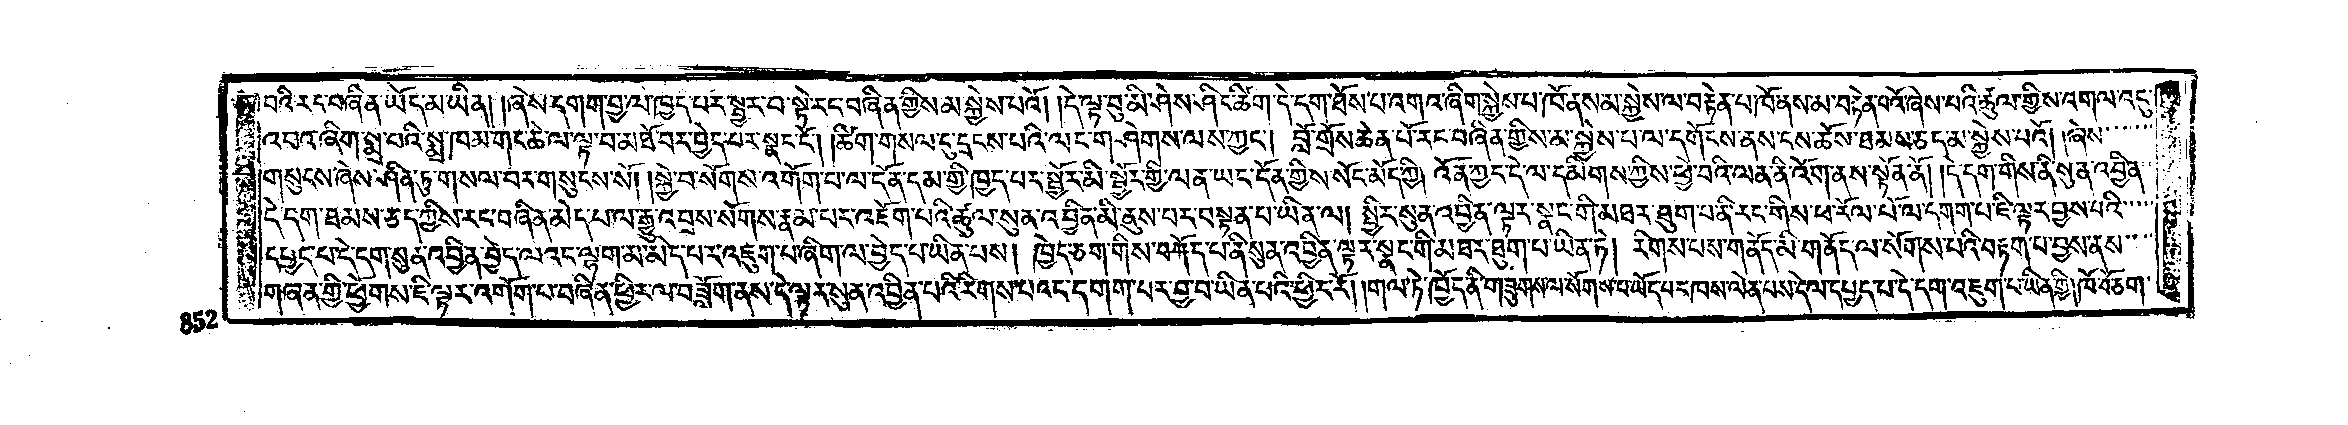བའི་རང་བཞིན་ཡོད་མ་ཡིན། །ཞེས་དགག་བྱ་ལ་ཁྱད་པར་སྦྱར་བ་སྟེ་རང་བཞིན་གྱིས་མ་སྐྱེས་པའོ། །དེ་ལྟ་བུ་མི་ཤེས་ཤིང་ཚིག་དེ་དག་ཐོས་པ་འགའ་ཞིག་སྐྱེས་པ་ཁོ་ནས་མ་སྐྱེས་ལ་བརྟེན་པ་ཁོ་ནས་མ་བརྟེན་པའོ་ཞེས་པའི་ཚུལ་གྱི་འགལ་འདུ་
འབའ་ཞིག་སྨྲ་བའི་སྨྲ་ཁམ་གང་ཆེ་ལ་ལྟ་བ་མཐོ་བར་བྱེད་པར་སྣང་ངོ། །ཚིག་གསལ་དུ་དྲངས་པའི་ལང་གཤེགས་ལས་ཀྱང་། བློ་གྲོས་ཆེན་པོ་རང་བཞིན་གྱིས་མ་སྐྱེས་པ་ལ་དགོངས་ནས་ངས་ཆོས་ཐམས་ཅད་མ་སྐྱེས་པའོ། །ཞེས་
གསུངས་ཞེས་ཤིན་ཏུ་གསལ་བར་གསུངས་སོ། །སྐྱེ་བ་སོགས་འགོག་པ་ལ་དོན་དམ་གྱི་ཁྱད་པར་སྦྱོར་མི་སྦྱོར་གྱི་ལན་ཡང་དོན་གྱིས་སོང་མོད་ཀྱི། འོན་ཀྱང་དེ་ལ་དམིགས་ཀྱིས་ཕྱེ་བའི་ལན་ནི་འོག་ནས་སྟོན་ནོ། །དེ་དག་གིས་ནི་སུན་འབྱིན་
དེ་དག་ཐམས་ཅད་ཀྱིས་རང་བཞིན་མེད་པ་ལ་རྒྱུ་འབྲས་སོགས་རྣམ་པར་འཇོག་པའི་ཚུལ་སུན་འབྱིན་མི་ནུས་པར་བསྟན་པ་ཡིན་ལ། སྤྱིར་སུན་འབྱིན་ལྟར་སྣང་གི་མཐར་ཐུག་པ་ནི་རང་གིས་ཕ་རོལ་པོ་ལ་དགག་པ་ཇི་ལྟར་བྱས་པའི་
དཔྱད་པ་དེ་དག་སུན་འབྱིན་བྱེད་ལའང་ལྷག་མ་མེད་པར་འཇུག་པ་ཞིག་ལ་བྱེད་པ་ཡིན་པས། ཁྱེད་ཅག་གིས་བཀོད་པ་ནི་སུན་འབྱིན་ལྟར་སྣང་གི་མཐར་ཐུག་པ་ཡིན་ཏེ། རིགས་པས་གནོད་མི་གནོད་ལ་སོགས་པའི་བརྟག་པ་བྱས་ནས་
གཞན་གྱི་ཕྱོགས་ཇི་ལྟར་འགོག་པ་བཞིན་ཕྱིར་ལ་བཟློག་ནས་དེ་ལྟར་སུན་འབྱིན་པའི་རིགས་པའང་དགག་པར་བྱ་བ་ཡིན་པའི་ཕྱིར་རོ། །གལ་ཏེ་ཁྱོད་ནི་གཟུགས་ལ་སོགས་པ་ཡོད་པར་ཁས་ལེན་པས་དེ་ལ་དཔྱད་པ་དེ་དག་འཇུག་པ་ཡིན་གྱི། ཁོ་བོ་ཅག་